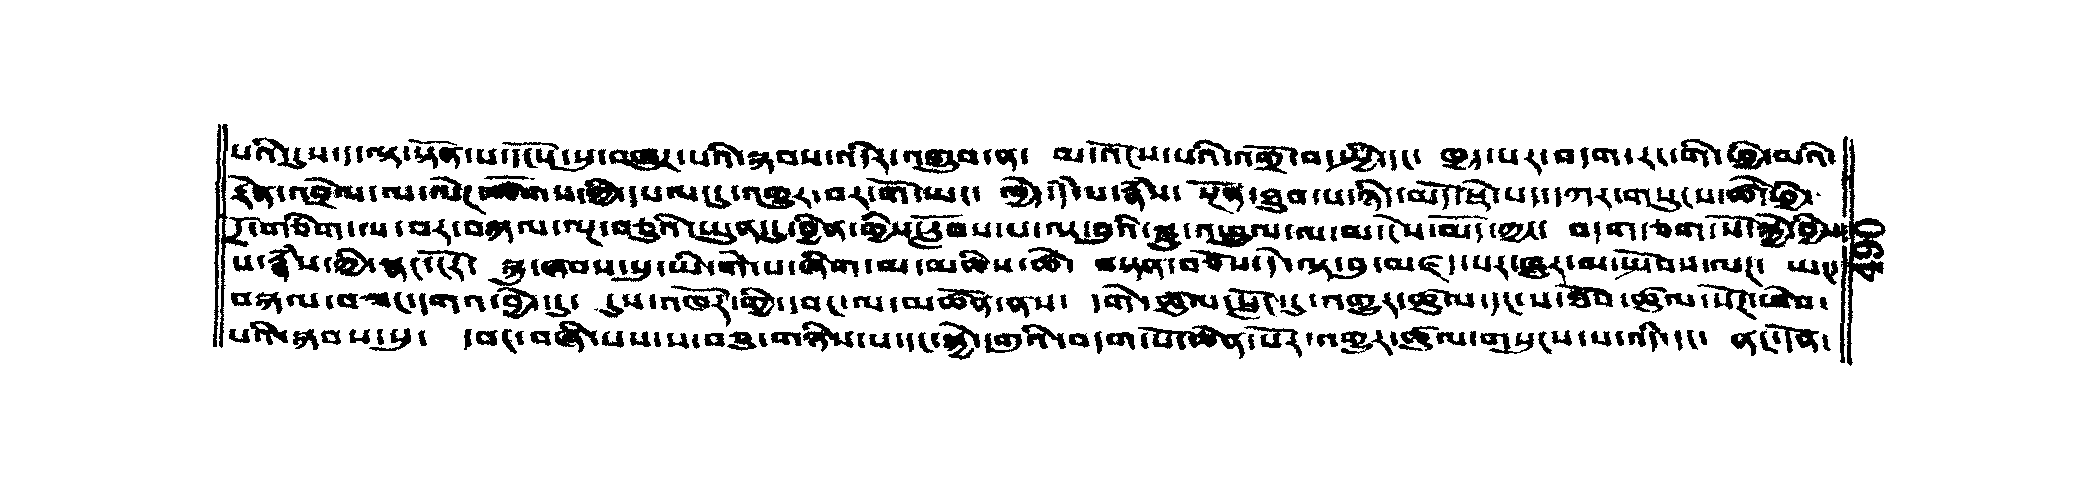པའི་དུས་ད་ལྟ་སྟོན་པ་དངོས་སུ་བཞུགས་པའི་སྐབས་འདིར་འགྲུབ་ན། མ་འོངས་པའི་འགྲོ་བ་སྤྱི་དང་། ཁྱད་པར་བདག་རང་གི་ཕྱི་མའི་
རྟེན་འབྲེལ་ལ་ལེགས་ཚོགས་ཀྱི་དཔལ་དུ་འགྱུར་བར་གོ་ཡང་།ཁྱེད་དམ་པ་རྣམས། སྔོན་ཐུབ་པ་ཉིད་མདོ་སྡེ་པད་དཀར་གསུང་ཚེ་ཕྱི་
དྲོ་གཅིག་ལ་བར་བསྐལ་ལྔ་བཅུའི་ཡུན་དུ་བྱིན་གྱིས་བརླབས་པ་ལྟ་བུའི་རྫུ་འཕྲུལ་ལ་མ་ངེས་མོད་ཀྱང་། བདག་ཅག་སོ་སྐྱེ་བྱིས་
པ་རྣམས་ཀྱི་སྣང་ངོར། སྐུ་ཞབས་སུ་ཡི་གེ་པ་ཞིག་མ་མཆིས་ཚེ། བསྟན་བཅོས་དེ་ལྟ་བུ་མཛད་པར་ཞུར་མ་སྤོབས་ལགས། ཡང་
སྐལ་བཟང་དགའ་བྱེད་དུ། དུས་འཁོར་གྱི་དབང་ལ་མཚོན་ནས། དགེ་ཚུལ་སློང་དུ་འགྱུར་ཚུལ་དང་ས་ཐོབ་ཚུལ་སོགས་ཕེབས་
པའི་སྐབས་སུ། དབང་བཞི་པས་ས་བཅུ་གཉིས་པ་དང་སྐྱེ་དགུའི་བདག་པོ་ཆེན་པོར་འགྱུར་ཚུལ་གསུངས་པ་འདི། ནང་དོན་